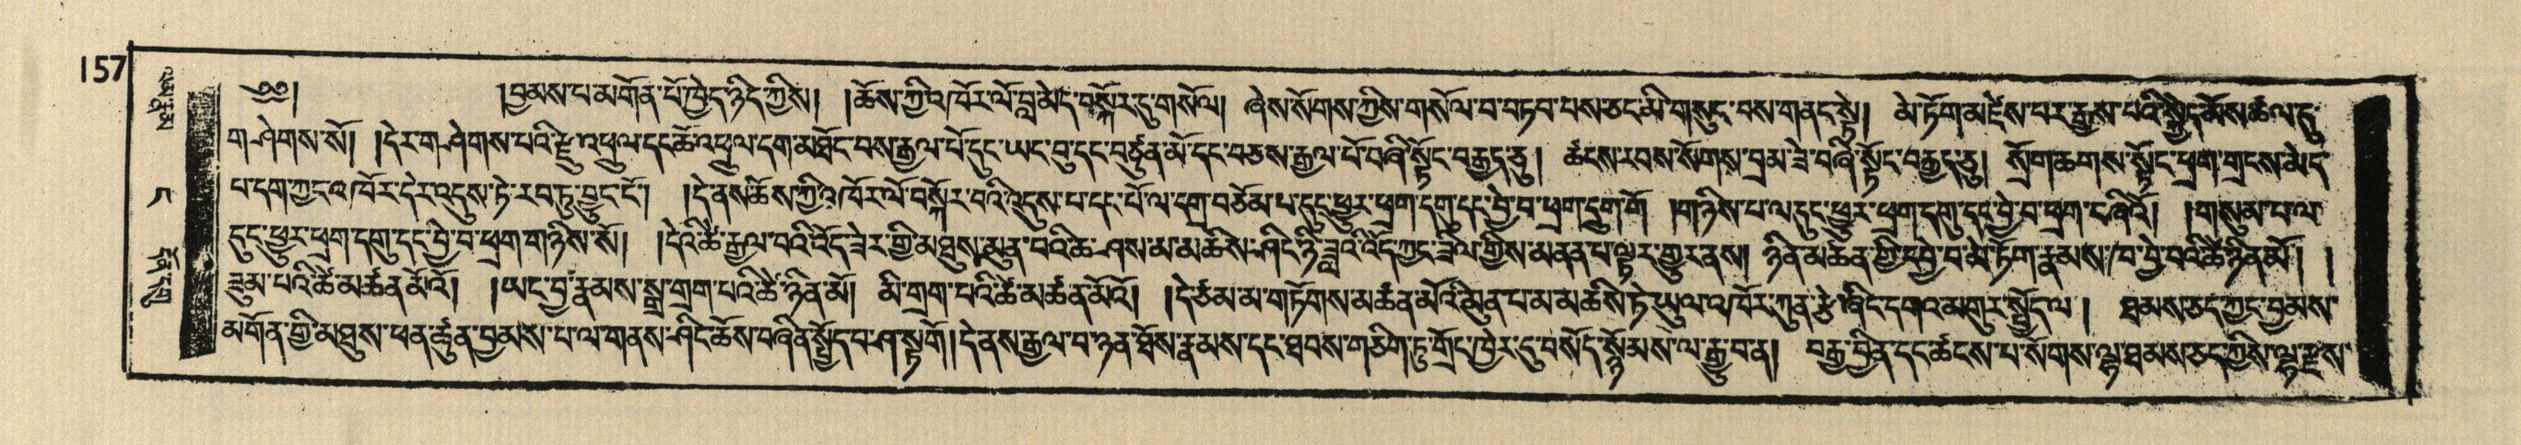༄༅། །བྱམས་པ་མགོན་པོ་ཁྱེད་ཉིད་ཀྱིས། །ཆོས་ཀྱི་འཁོར་ལོ་བླ་མེད་བསྐོར་དུ་གསོལ། ཞེས་སོགས་ཀྱིས་གསོལ་བ་བཏབ་པས་ཅང་མི་གསུང་བས་གནང་སྟེ། མེ་ཏོག་མཛེས་པར་རྒྱས་པའི་སྐྱེད་མོས་ཚལ་དུ་
གཤེགས་སོ། །དེར་གཤེགས་པའི་རྫུ་འཕྲུལ་དང་ཆོ་འཕྲུལ་དག་མཐོང་བས་རྒྱལ་པོ་དུང་ཡང་བུ་དང་བཙུན་མོ་དང་བཅས་རྒྱལ་པོ་བཞི་སྟོང་བརྒྱད་ཅུ། ཚངས་རབས་སོགས་བྲམ་ཟེ་བཞི་སྟོང་བརྒྱད་ཅུ། སྲོག་ཆགས་སྟོང་ཕྲག་གྲངས་མེད་
པ་དག་ཀྱང་འཁོར་དེར་འདུས་ཏེ་རབ་ཏུ་བྱུང་ངོ། །དེ་ནས་ཆོས་ཀྱི་འཁོར་ལོ་བསྐོར་བའི་འདུས་པ་དང་པོ་ལ་དགྲ་བཅོམ་པ་དུང་ཕྱུར་ཕྲག་དགུ་དང་བྱེ་བ་ཕྲག་དྲུག་གོ །གཉིས་པ་ལ་དུང་ཕྱུར་ཕྲག་དགུ་དང་བྱེ་བ་ཕྲག་བཞིའོ། །གསུམ་པ་ལ་
དུང་ཕྱུང་ཕྲག་དགུ་དང་བྱེ་བ་ཕྲག་གཉིས་སོ། །དེའི་ཚེ་རྒྱལ་བའི་འོད་ཟེར་གྱི་མཐུས་མུན་བའི་ཆ་ཤས་མ་མཆིས་ཤིང་ཉི་ཟླའི་འོད་ཀྱང་ཟིལ་གྱིས་མནན་པ་ལྟར་གྱུར་ནས། ཉིན་མཚན་གྱི་དབྱེ་བ་མེ་ཏོག་རྣམས་ཁ་བྱེ་བའི་ཚེ་ཉིན་མོ། །
ཟུམ་པའི་ཚེ་མཚན་མོའོ། །ཡང་བྱ་རྣམས་སྒྲ་གྲག་པའི་ཚེ་ཉིན་མོ། མི་གྲག་པའི་ཚེ་མཚན་མོའོ། །དེ་ཙམ་མ་གཏོགས་མཚན་མོའི་མུན་པ་མ་མཆིས་ཏེ་ཡུལ་འཁོར་ཀུན་རྩེ་ཞིང་དགའ་མགུར་སྤྱོད་ལ། ཐམས་ཅད་ཀྱང་བྱམས་
མགོན་གྱི་མཐུས་ཕན་ཚུན་བྱམས་པ་ལ་གནས་ཤིང་ཆོས་བཞིན་སྤྱོད་བ་ཤ་སྟ་གོ། དེ་ནས་རྒྱལ་བ་ཉན་ཐོས་རྣམས་དང་ཐབས་གཅིག་ཏུ་གྲོང་ཁྱེར་དུ་བསོད་སྙོམས་ལ་རྒྱུ་བ་ན། བརྒྱ་བྱིན་དང་ཚངས་པ་སོགས་ལྷ་ཐམས་ཅད་ཀྱིས་ལྷ་རྫས་